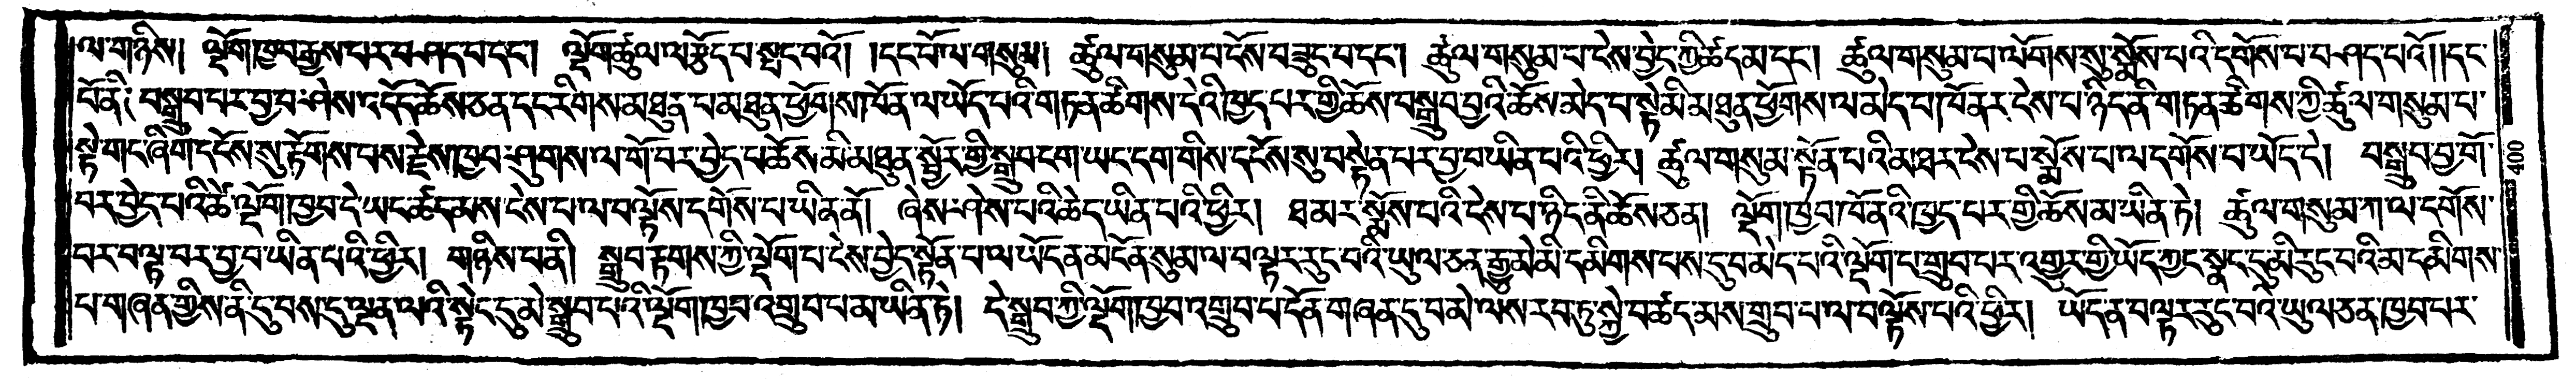ལ་གཉིས། ལྡོག་ཁྱབ་རྒྱས་པར་བཤད་པ་དང་། ལྡོག་ཚུལ་ལ་རྩོད་པ་སྤང་བའོ། །དང་པོ་ལ་གསུམ། ཚུལ་གསུམ་པ་ངོས་བཟུང་བ་དང་། ཚུལ་གསུམ་པ་ངེས་བྱེད་ཀྱི་ཚད་མ་དང་། ཚུལ་གསུམ་པ་ལོགས་སུ་སྨོས་པའི་དགོས་པ་བཤད་པའོ། །དང་
པོ་ནི། བསྒྲུབ་པར་བྱ་བ་ཤེས་འདོད་ཆོས་ཅན་དང་རིགས་མཐུན་པ་མཐུན་ཕྱོགས་ཁོ་ན་ལ་ཡོད་པའི་གཏན་ཚིགས་དེའི་ཁྱད་པར་གྱི་ཆོས་བསྒྲུབ་ཡའི་ཆོས་མེད་པ་སྟེ་མི་མཐུན་ཕྱོགས་ལ་མེད་པ་ཁོ་ནར་ངེས་པ་ཉིད་ནི་གཏན་ཚིགས་ཀྱི་ཚུལ་གསུམ་པ་
སྟེ་གང་ཞིག་དངོས་སུ་རྟོགས་པས་རྗེས་ཁྱབ་ཤུགས་ལ་གོ་བར་བྱེད་པ་ཆོས་མི་མཐུན་སྦྱོར་གྱི་སྒྲུབ་ངག་ཡང་དག་གིས་དངོས་སུ་བསྟེན་པར་བྱ་བ་ཡིན་པའི་ཕྱིར། ཚུལ་གསུམ་སྟོན་པའི་མཐར་ངེས་པ་སྨོས་པ་ལ་དགོས་པ་ཡོད་དེ། བསྒྲུབ་བྱ་གོ་
བར་བྱེད་པའི་ཚེ་ལྡོག་ཁྱབ་དེ་ཡང་ཚད་མས་ངེས་པ་ལ་བལྟོས་དགོས་པ་ཡིན་ནོ། ཞེས་ཤེས་པའི་ཆེད་ཡིན་པའི་ཕྱིར། ཐ་མར་སྨོས་པའི་དེས་པ་ཉིད་ནི་ཆོས་ཅན། ལྡོག་ཁྱབ་ཁོ་ནའི་ཁྱད་པར་གྱི་ཆོས་མ་ཡིན་ཏེ། ཚུལ་གསུམ་ཀ་ལ་དགོས་
བར་བལྟ་བར་བྱ་བ་ཡིན་པའི་ཕྱིར། གཉིས་པ་ནི། སྒྲུབ་རྟགས་ཀྱི་ལྡོག་པ་ངེས་བྱེད་སྟོན་པ་ལ་ཡོད་ན་མངོན་སུམ་ལ་བལྟར་རུང་བའི་ཡུལ་ཅན་རྒྱུ་མེ་མི་དམིགས་པས་དུ་བ་མེད་པའི་ལྡོག་པ་གྲུབ་པར་འགྱུར་གྱི་ཡོད་ཀྱང་སྣང་དུ་མི་རུང་བའི་མ་དམིགས་
པ་གཞན་གྱིས་ནི་དུ་བས་དུ་ལྡན་ལའི་སྟེང་དུ་མེ་སྒྲུབ་པའི་ལྡོག་ཁྱབ་འགྲུབ་པ་མ་ཡིན་ཏེ། དེ་སྒྲུབ་ཀྱི་ལྡོག་ཁྱབ་འགྲུབ་པ་དོན་གཞན་དུ་བ་མེ་ལས་རབ་ཏུ་སྐྱེ་བ་ཚད་མས་གྲུབ་པ་ལ་བལྟོས་པའི་ཕྱིར། ཡོད་ན་བལྟར་རུང་བའི་ཡུལ་ཅན་ཁྱབ་པར་